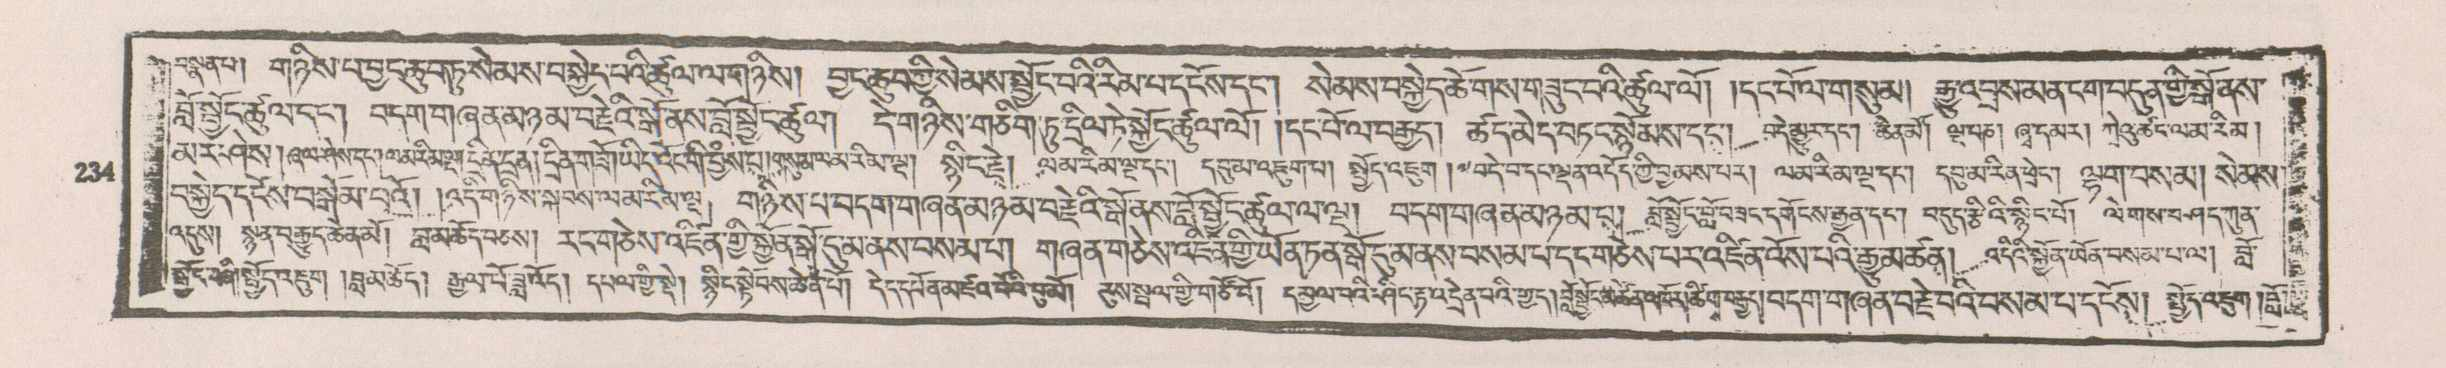བསྣན་པ།  གཉིས་པ་བྱང་ཆུབ་ཏུ་སེམས་བསྐྱེད་པའི་ཚུལ་ལ་གཉིས། བྱང་ཆུབ་ཀྱི་སེམས་སྦྱོང་བའི་རིམ་པ་དངོས་དང་། སེམས་བསྐྱེད་ཆོ་གས་གཟུང་བའི་ཚུལ་ལོ། །དང་པོ་ལ་གསུམ། རྒྱུ་འབྲས་མན་ངག་བདུན་གྱི་སྒོ་ནས་
བློ་སྦྱོང་ཚུལ་དང་། བདག་གཞན་མཉམ་བརྗེའི་སྒོ་ནས་བློ་སྦྱོང་ཚུལ། དེ་གཉིས་གཅིག་ཏུ་དྲིལ་ཏེ་སྐྱོང་ཚུལ་ལོ། །དང་པོ་ལ་བརྒྱད། ཚད་མེད་བཏང་སྙོམས་དང་། བདེ་མྱུར་དང་། ཆེན་མོ། ལྔ་པཎ། ཞྭ་དམར། ཀྭེའུ་ཚང་ལམ་རིམ།
མར་ཤེས། ཞལ་ཤེས་དང་། ལམ་རིམ་ལྔ།  དྲིན་དྲན། དྲིན་གཟོ། ཡིད་འོང་གི་བྱམས་པ། གསུམ་ལམ་རིམ་ལྔ།  སྙིང་རྗེ། ལམ་རིན་ལྔ་དང་། དབུ་མ་འཇུག་པ། སྤྱོད་འཇུག །~བདེ་བ་དང་ལྡན་འདོད་ཀྱི་བྱམས་པར། ལམ་རིམ་ལྔ་དང་། དབུ་མ་རིན་ཕྲེང་།  ལྷག་བསམ། སེམས་
སྐྱེད་དངོས་བསྒོམ་པའོ། ། འདི་གཉིས་སྐབས་ལམ་རིམ་ལྔ།  གཉིས་པ་བདག་གཞན་མཉམ་བརྗེའི་སྒོ་ནས་བློ་སྦྱོང་ཚུལ་ལ་ལྔ། བདག་གཞན་མཉམ་པ། བློ་སྦྱོང་བློ་བཟང་དགོངས་རྒྱན་དང་། བདུད་རྩིའི་སྙིང་པོ། ལེགས་བཤད་ཀུན
འདུས། སྙན་བརྒྱུད་ཆེན་མོ། །བླ་མཆོད་བཅས།  རང་གཅེས་འཛིན་གྱི་སྐྱོན་སྒོ་དུ་མ་ནས་བསམ་པ། གཞན་གཅེས་འཛིན་གྱི་ཡོན་ཏན་སྒོ་དུ་མ་ནས་བསམ་པ་དང་གཙོས་པར་འཛིན་འོས་པའི་རྒྱུ་མཚན། འདིའི་སྐྱོན་ཡོན་བསམ་པ་ལ། བློ
སྦྱོང་བཞི། སྤྱོད་འཇུག །བླ་མཆོད། རྒྱལ་པོ་ཟླ་འོད། དཔལ་གྱི་སྡེ། སྙིང་སྟོབས་ཆེན་པོ། དེད་དཔོན་མཛའ་བོའི་བུ་མོ། རུས་སྦལ་གྱི་གཙོ་བོ། དམྱལ་བའི་ཤིང་རྟ་འདྲེན་པའི་གྱད། བློ་སྦྱོང་མཚོན་འཁོར། ཚིགས་བརྒྱད།  བདག་གཞན་བརྗེ་བའི་བསམ་པ་དངོས། སྤྱོད་འཇུག །བློ